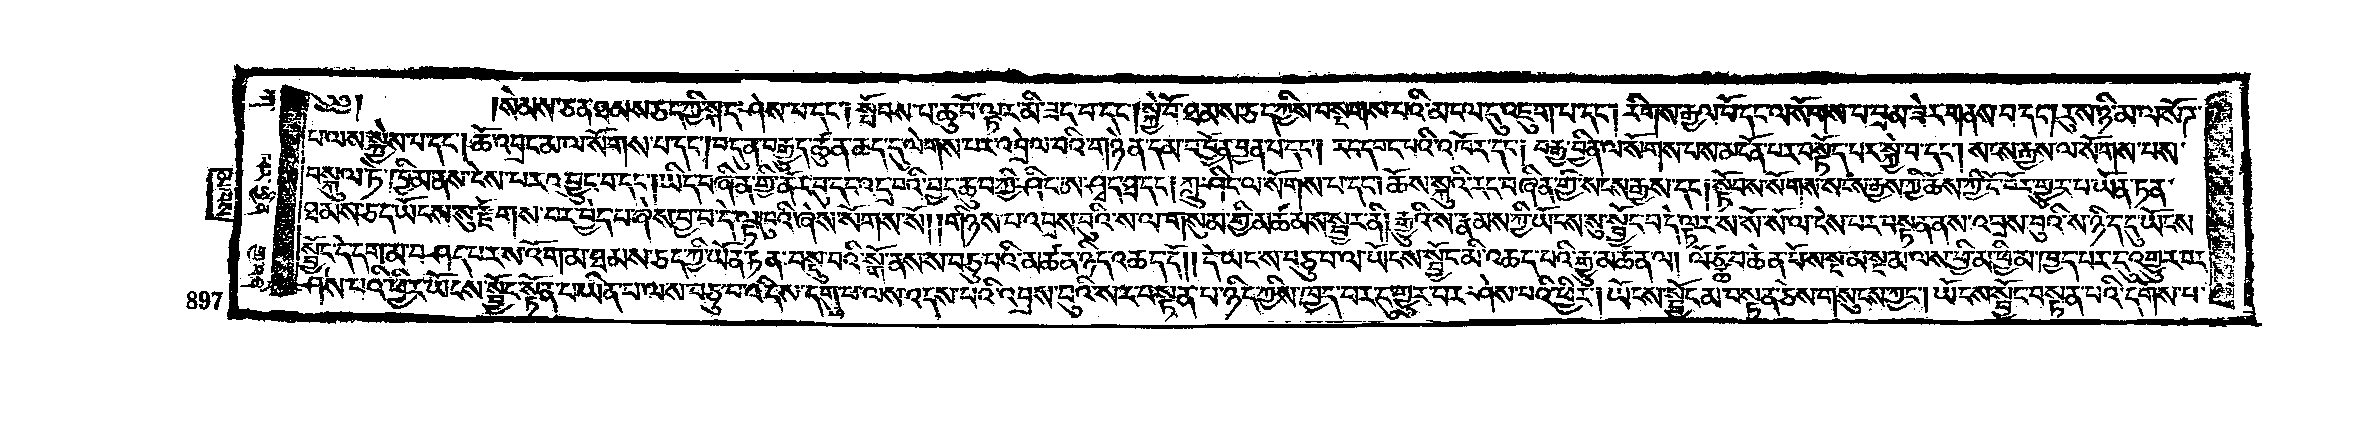༄༅། །སེམས་ཅན་ཐམས་ཅད་ཀྱི་སྐད་ཤེས་པ་དང་། སྤོབས་པ་ཆུ་བོ་ལྟར་མི་ཟད་པ་དང་། སྐྱེ་བོ་ཐམས་ཅད་ཀྱིས་བསྔགས་པའི་མངལ་དུ་འཇུག་པ་དང་། རིགས་རྒྱལ་པོ་དང་ལ་སོགས་པ་བྲམ་ཟེར་གནས་པ་དང་། རུས་ཉི་མ་ལ་སོགས་
པ་ལས་སྐྱེས་པ་དང་། ཆོ་འབྲང་མ་ལ་སོགས་པ་དང་། བདུན་བརྒྱུད་ཚུན་ཆད་དུ་ལེགས་པར་འབྲེལ་བའི་གཉེན་དམ་པ་བྱོན་བྱོན་པ་དང་། རང་དབང་པའི་འཁོར་དང་། བརྒྱ་བྱིན་ལ་སོགས་པས་མངོན་པར་བསྟོད་པར་སྐྱེ་བ་དང་། སངས་རྒྱས་ལ་སོགས་པས་
བསྐུལ་ཏེ་ཁྱིམ་ནས་ངེས་པར་འབྱུང་བ་དང་། ཡིད་བཞིན་གྱི་ནོར་བུ་དང་འདྲ་བའི་བྱང་ཆུབ་ཀྱི་ཤིང་ཨ་ཤྭད་ཐ་དང་། ཀླུ་ཤིང་ལ་སོགས་པ་དང་། ཆོས་སྐུའི་རང་བཞིན་གྱི་སངས་རྒྱས་དང་། སྟོབས་སོགས་སངས་རྒྱས་ཀྱི་ཆོས་ཀྱི་ངོ་བོར་གྱུར་པ་ཡོན་ཏན་
ཐམས་ཅད་ཡོངས་སུ་རྫོགས་པར་བྱེད་པ་ཞེས་བྱ་བ་དེ་ལྟ་བུའི་ཞེས་སོགས་སོ། །གཉིས་པ་འབྲས་བུའི་ས་ལ་གསུམ་གྱི་མཚམས་སྦྱར་ནི། རྒྱུའི་ས་རྣམས་ཀྱི་ཡོངས་སུ་སྦྱོང་བ་དེ་ལྟར་ས་སོ་སོ་ལ་ངེས་པར་བསྟན་ནས་འབྲས་བུའི་ས་ཉིད་དུ་ཡོངས་
སྦྱོང་དེ་དག་མ་བཤད་པར་ས་འོག་མ་ཐམས་ཅད་ཀྱི་ཡོན་ཏན་བསྡུ་བའི་སྒོ་ནས་ས་བཅུ་པའི་མཚན་ཉིད་འཆད་དོ། །དེ་ཡང་ས་བཅུ་པ་ལ་ཡོངས་སྦྱོང་མི་འཆད་པའི་རྒྱུ་མཚན་ལ། ལོ་ཙྪ་བ་ཆེན་པོ་ས་སྔ་མ་སྔ་མ་ལས་ཕྱི་མ་ཕྱི་མ་ཁྱད་པར་དུ་འགྱུར་བར་
ཤེས་པའི་ཕྱིར་ཡོངས་སྦྱོང་སྟོན་པ་ཡིན་པ་ལས་བཅུ་བ་འདིས་དགུ་པ་ལས་འདས་པའི་འབྲས་བུའི་སར་བསྟན་པ་ཉིད་ཀྱིས་ཁྱད་པར་དུ་གྱུར་བར་ཤེས་པའི་ཕྱིར། ཡོངས་སྦྱོང་མ་བསྟན་ཅེས་གསུངས་ཀྱང་། ཡོངས་སྦྱོང་བསྟན་པའི་དགོས་པ་